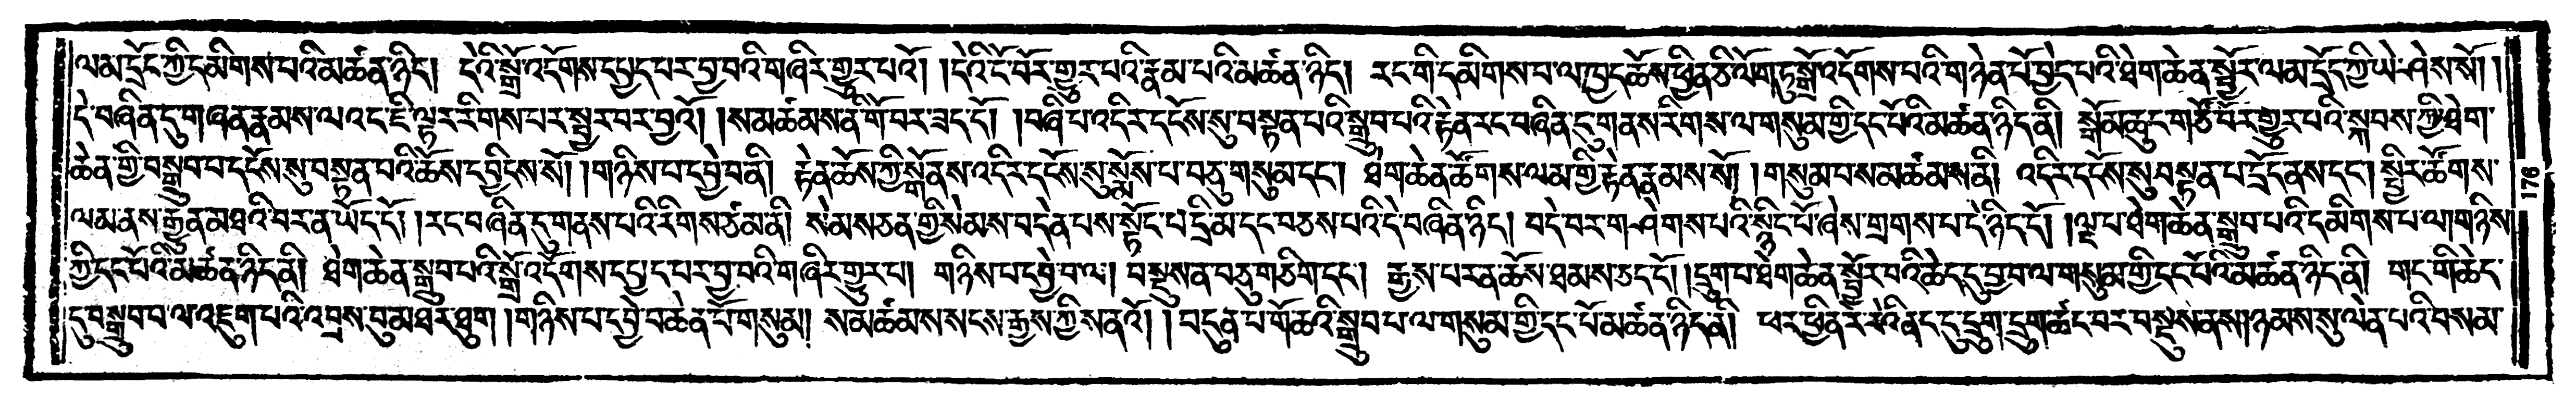ལམ་དྲོད་ཀྱི་དམིགས་པའི་མཚན་ཉིད། དེའི་སྒྲོ་འདོགས་དཔྱད་པར་བྱ་བའི་གཞིར་གྱུར་པའོ། །དེའི་ངོ་བོར་གྱུར་པའི་རྣམ་པའི་མཚན་ཉིད། རང་གི་དམིགས་པ་ལ་ཁྱད་ཆོས་ཕྱིན་ཅི་ལོག་ཏུ་སྒྲོ་འདོགས་པའི་གཉེན་པོ་བྱེད་པའི་ཐེག་ཆེན་སྦྱོར་ལམ་དྲོད་ཀྱི་ཡེ་ཤེས་སོ། །
དེ་བཞིན་དུ་གཞན་རྣམས་ལའང་ཇི་ལྟར་རིགས་པར་སྦྱར་བར་བྱའོ། །ས་མཚམས་ནི་གོ་བར་ཟད་དོ། །བཞི་པ་འདིར་དངོས་སུ་བསྟན་པའི་སྒྲུབ་པའི་རྟེན་རང་བཞིན་དུ་གནས་རིགས་ལ་གསུམ་གྱི་དང་པོའི་མཚན་ཉིད་ནི། སྒོམ་ཆུང་གཙོ་བོར་གྱུར་པའི་སྐབས་ཀྱི་ཐེག་
ཆེན་གྱི་བསྒྲུབ་པ་དངོས་སུ་བསྟན་པའི་ཆོས་དབྱིངས་སོ། །གཉིས་པ་དབྱེ་བ་ནི། རྟེན་ཆོས་ཀྱི་སྒོ་ནས་འདིར་དངོས་སུ་སྨོས་པ་བཅུ་གསུམ་དང་། ཐེག་ཆེན་ཚོགས་ལམ་གྱི་རྟེན་རྣམས་སོ། །གསུམ་པ་ས་མཚམས་ནི། འདིར་དངོས་སུ་བསྟན་པ་དྲོད་ནས་དང་། སྤྱིར་ཚོགས་
ལམ་ནས་རྒྱུན་མཐའི་བར་ན་ཡོད་དོ། །རང་བཞིན་དུ་གནས་པའི་རིགས་ཙམ་ནི། སེམས་ཅན་གྱི་སེམས་བདེན་པས་སྟོང་པ་དྲི་མ་དང་བཅས་པའི་དེ་བཞིན་ཉིད། བདེ་བར་གཤེགས་པའི་སྙིང་པོ་ཞེས་གྲགས་པ་དེ་ཉིད་དོ། །ལྔ་པ་ཐེག་ཆེན་སྒྲུབ་པའི་དམིགས་པ་ལ། གཉིས་
ཀྱི་དང་པོའི་མཚན་ཉིད་ནི། ཐེག་ཆེན་སྒྲུབ་པའི་སྒྲོ་འདོགས་དཔྱད་པར་བྱ་བའི་གཞིར་གྱུར་པ། གཉིས་པ་དབྱེ་བ་ལ། བསྡུས་ན་བཅུ་གཅིག་དང་། རྒྱས་པར་ན་ཆོས་ཐམས་ཅད་དོ། །དྲུག་པ་ཐེག་ཆེན་སྦྱོར་བའི་ཆེད་དུ་བྱ་བ་ལ་གསུམ་གྱི་དང་པོའི་མཚན་ཉིད་ནི། གང་གི་ཆེད་
དུ་བསྒྲུབ་པ་ལ་འཇུག་པའི་འབྲས་བུ་མཐར་ཐུག། །གཉིས་པ་དབྱེ་བ་ཆེན་པོ་གསུམ། ས་མཚམས་སངས་རྒྱས་ཀྱི་ས་ནའོ། །བདུན་པ་གོ་ཆའི་སྒྲུབ་པ་ལ་གསུམ་གྱི་དང་པོ་མཚན་ཉིད་ནི། ཕར་ཕྱིན་རེ་རེའི་ནང་དུ་དྲུག་དྲུག་ཚང་བར་བསྡུས་ནས། ཉམས་སུ་ལེན་པའི་བསམ་